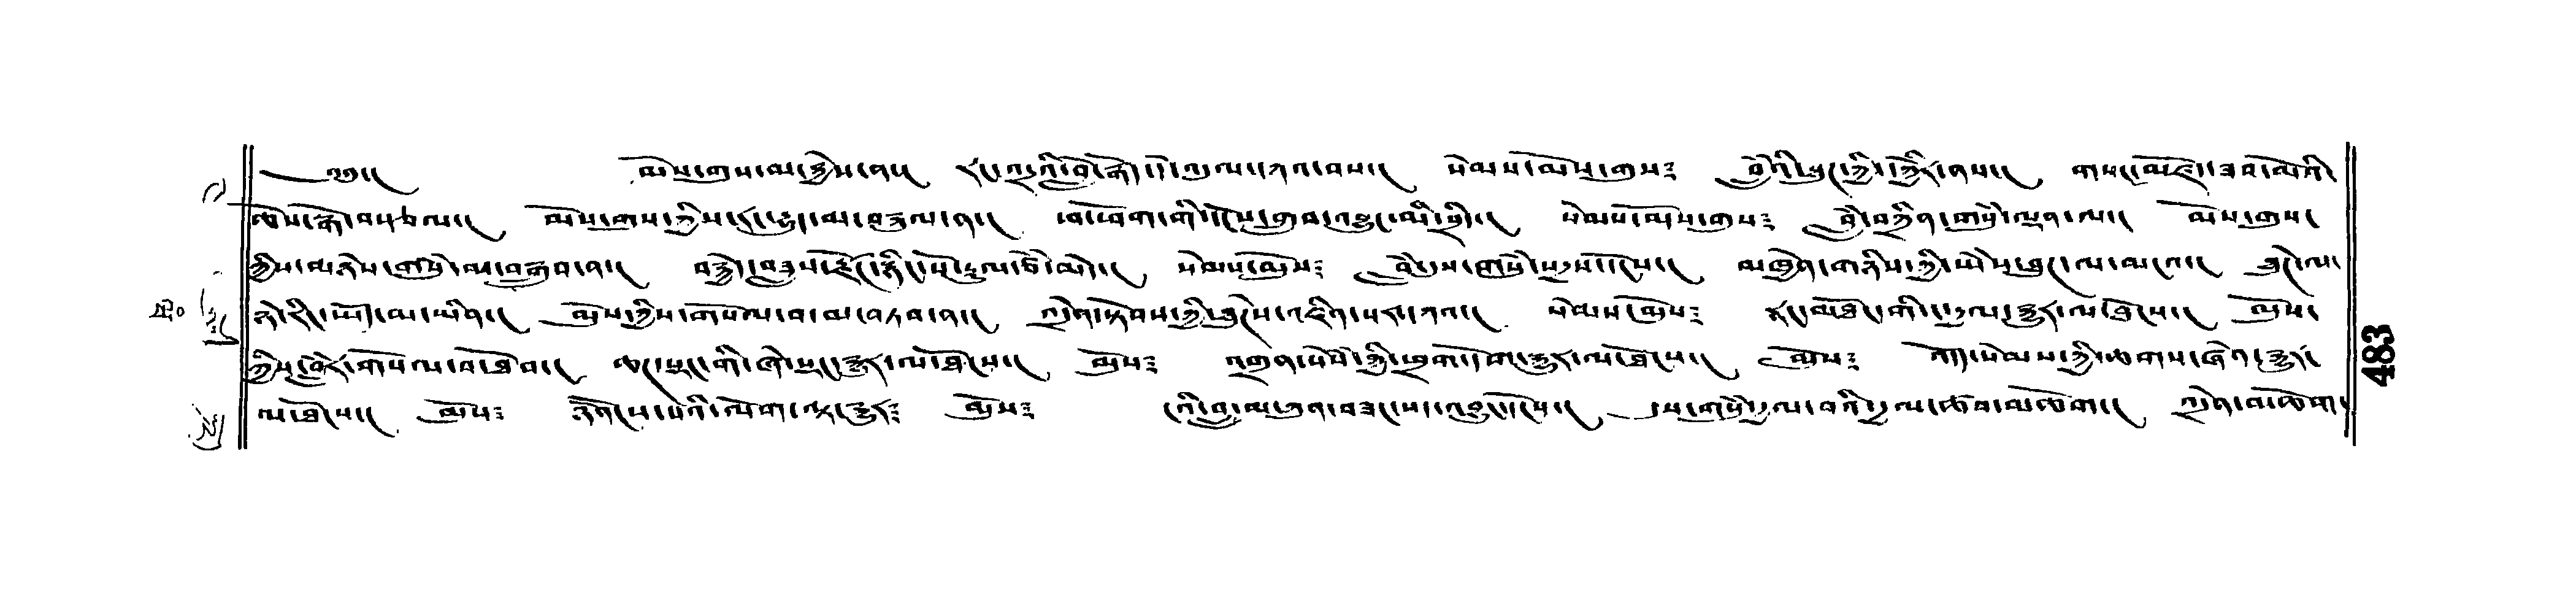མོས་གུས་མ་སྐྱེས་ན། །རང་འདྲའི་བློ་རྒོད་དེ་འདུལ་དཀའ་བས། །སེམས་མོས་གུས༴ བླ་མའི་ཐུགས་ཀྱི་དཀྱིལ་འཁོར་ནས། །གསང་མཛོད་ཟབ་མོའི་
ཆོས་སྒོ་བ་སྩལ། །མོས་གུས་ཀྱིས་རང་རྒྱུད་མ་བསྐུལ་ན། །ཕ་ཕོག་གི་དངོས་གྲུབ་འབྱུང་མི་སྲིད། །སེམས་མོས་གུས༴ བླ་མ་བཀའ་དྲིན་གསུམ་ལྡན་ལ། །མོས་གུས་
ཀྱིས་མཉེས་གསུམ་མ་བསྒྲུབ་ན། །བསྐྱེད་བཟླས་རྫོགས་སྙིང་པོ་རྡུལ་ཙམ་མེད། །སེམས་མོས་གུས༴ བླ་མ་དུས་གསུམ་སངས་རྒྱས་དངོས། །མཁྱེན་གཉིས་ཀྱི་ཡེ་ཤེས་ཐུགས་ལ་མངའ། །ཐུགས་རྗེ་ལ་
ཉེ་རིང་ཡོད་མ་ཡིན། །མོས་གུས་ཀྱིས་གསོལ་བ་མ་བཏབ་ན། །འདྲེན་སྟོབས་ཀྱི་ཐུགས་རྗེས་འཛིན་པར་དཀའ། །སེམས་མོས་གུས༴ རང་མཐོང་གི་ང་རྒྱལ་སྐྱུར་ལ་ཐོངས། མོས་གུས་
ཀྱིས་བླ་མར་གསོལ་བ་ཐོབ། །ཆགས་སྡང་གི་ཞེ་སྡང་སྐྱུར་ལ་ཐོངས། །མོས་གུས༴ འགྲན་སེམས་ཀྱི་ཕྲག་དོག་སྐྱུར་ལ་ཐོངས། །མོས་གུས༴ འདོད་སེམས་ཀྱི་ཆགས་ཞེན་སྐྱུར་
ལ་ཐོངས། མོས་གུས༴ ཉོན་མོངས་པའི་ལོག་ལྟ་སྐྱུར༴ །མོས་གུས༴ ངའི་བླ་མ་ཀུན་བཟང་པད་འབྱུང་དངོས། །དུས་གསུམ་རྒྱལ་བའི་རྒྱལ་ཚབ་མཆོག །འདྲེན་མཆོག་